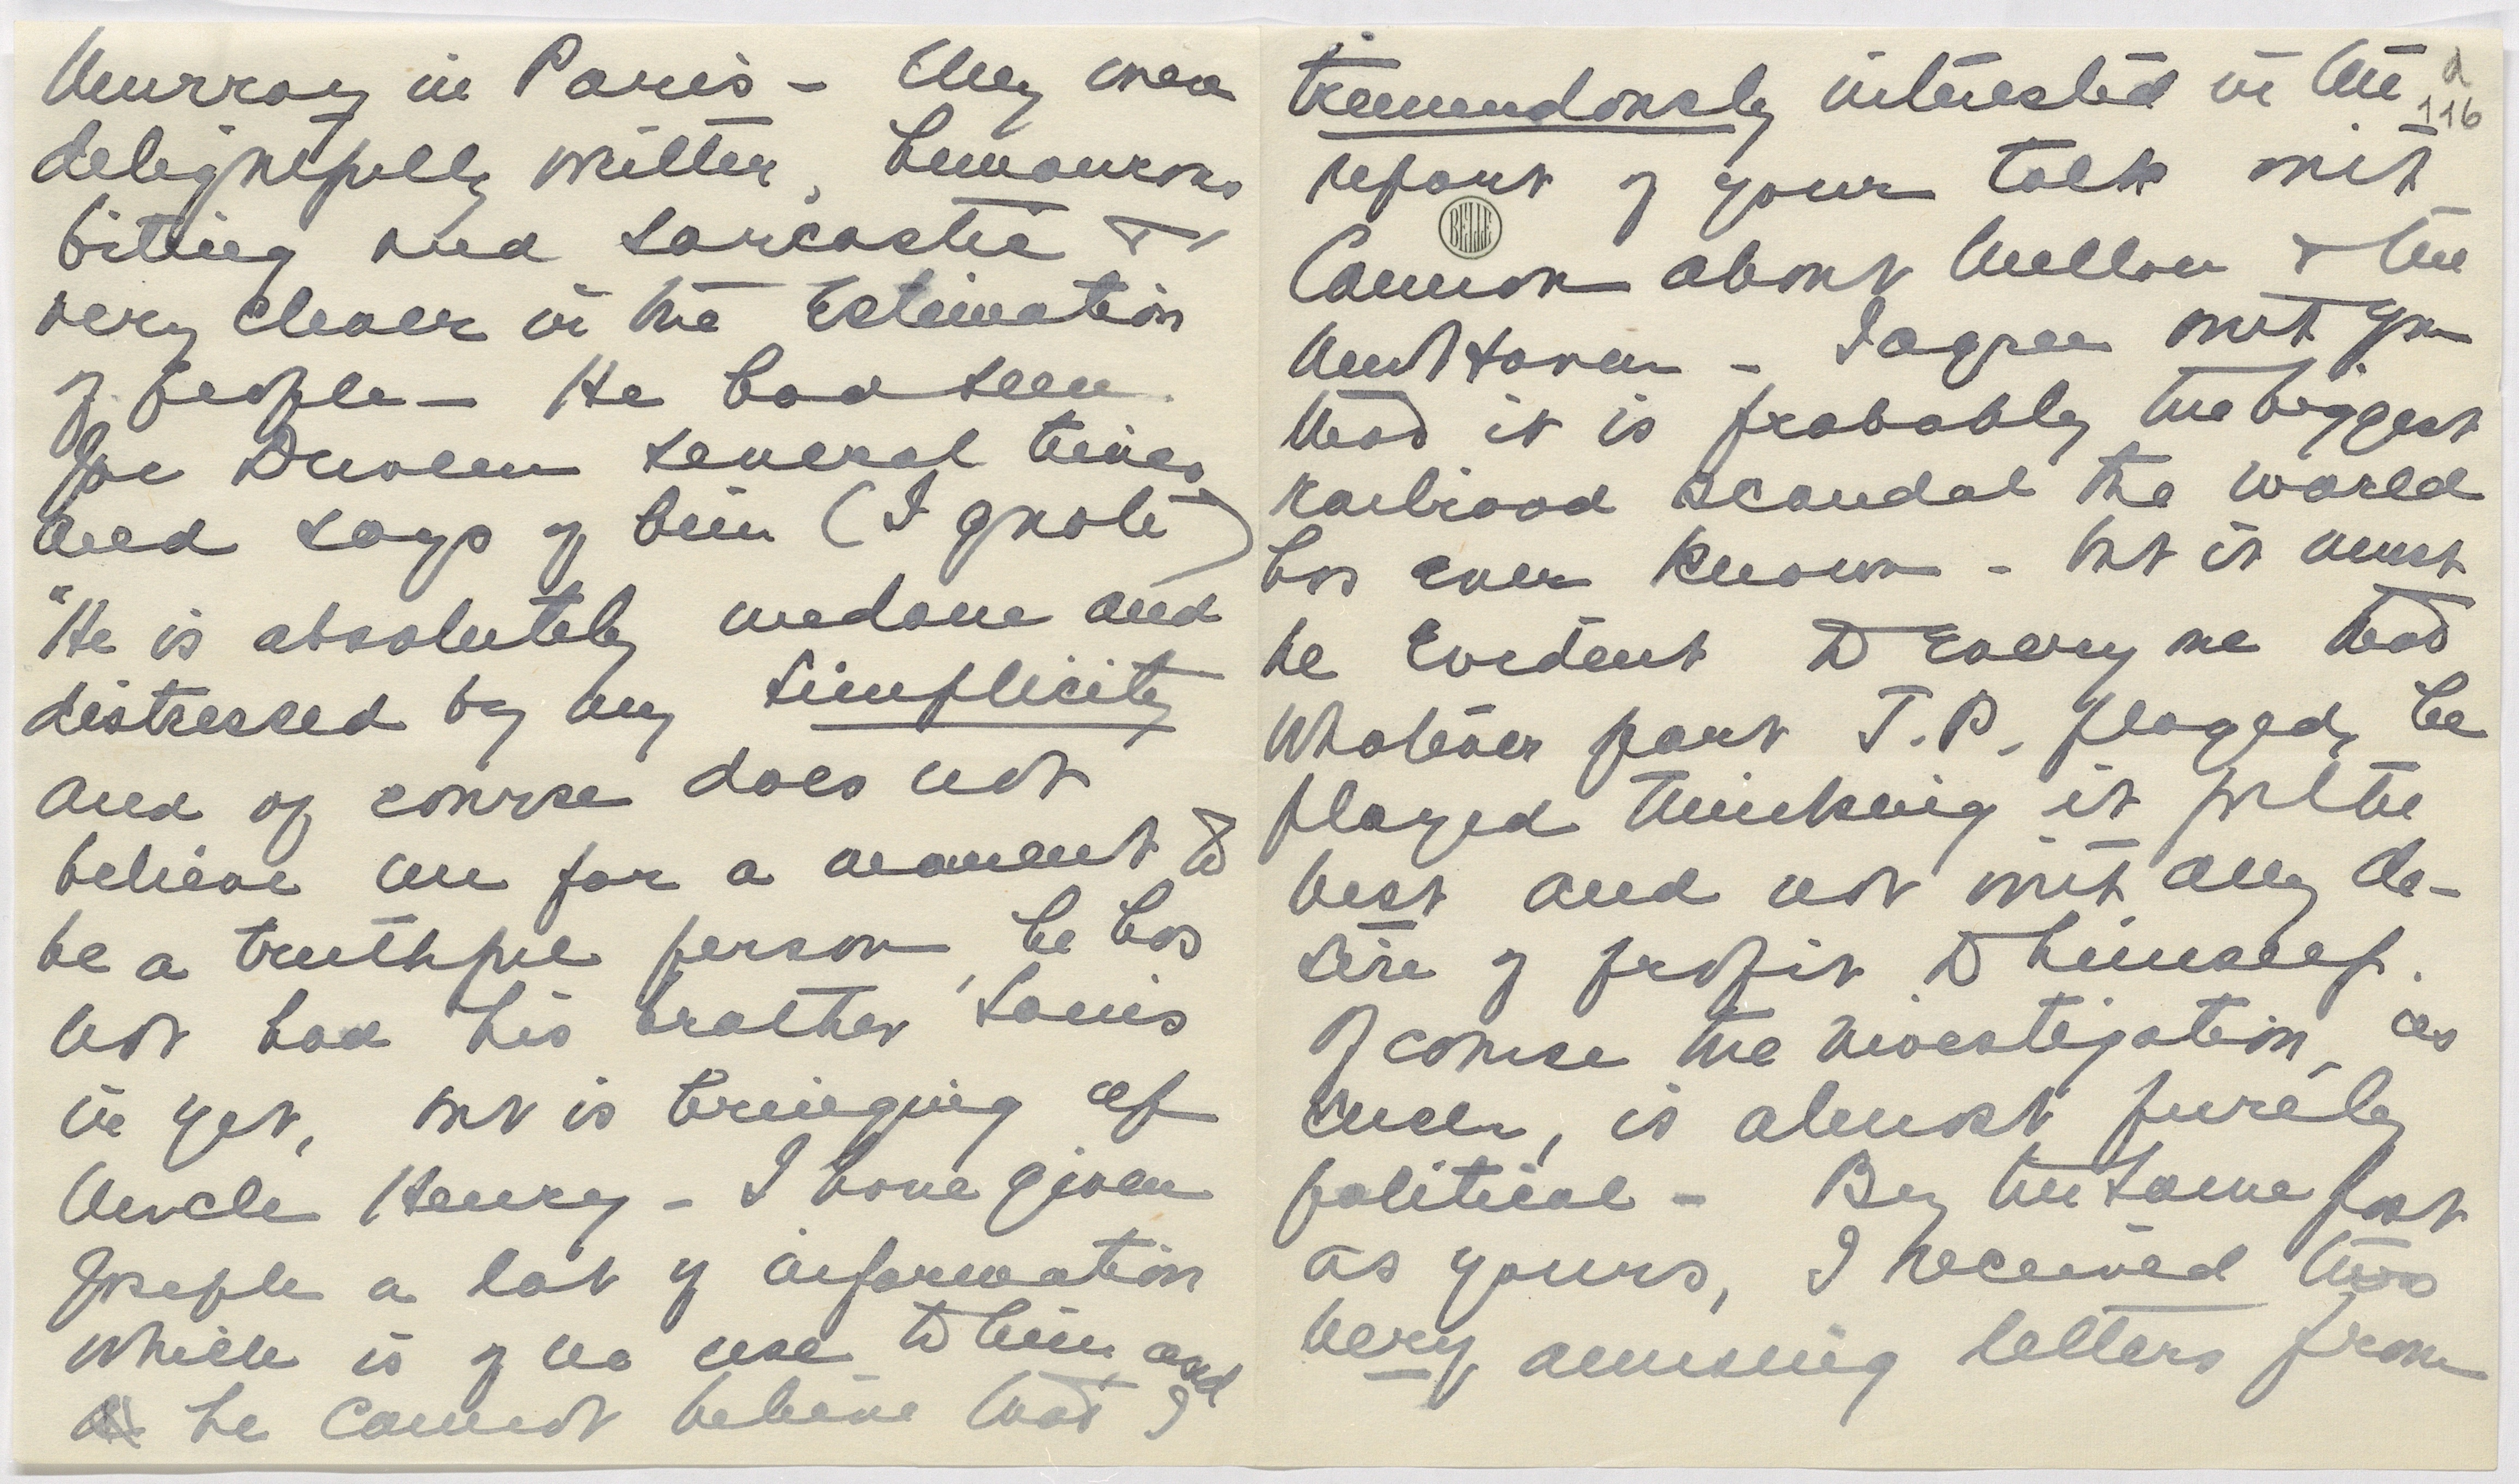tremendously interested in the report of your talk with Cammon about Mellon & the New Haven – I agree with you that it is probably the biggest railroad scandal the world has ever known – but it must be evident to everyone that whatever part J. P. played he played thinking it for the best and not with any desire of profit to himself. Of course the investigation, as such, is almost purely political – By the same past as yours, I received two very amusing letters from
Murray in Paris – they were delightfully written, humorous biting and sarcastic & very clever in the estimation of people – He had seen Joe Duveen several times and says of him (I quote) “He is absolutely undone and distressed by my simplicity and of course does not believe me for a moment to be a truthful person, he has not had his brother Louis in yet, but is bringing up Uncle Henry – I have given Joseph a lot of information which is of no use to him and a he cannot believe that I